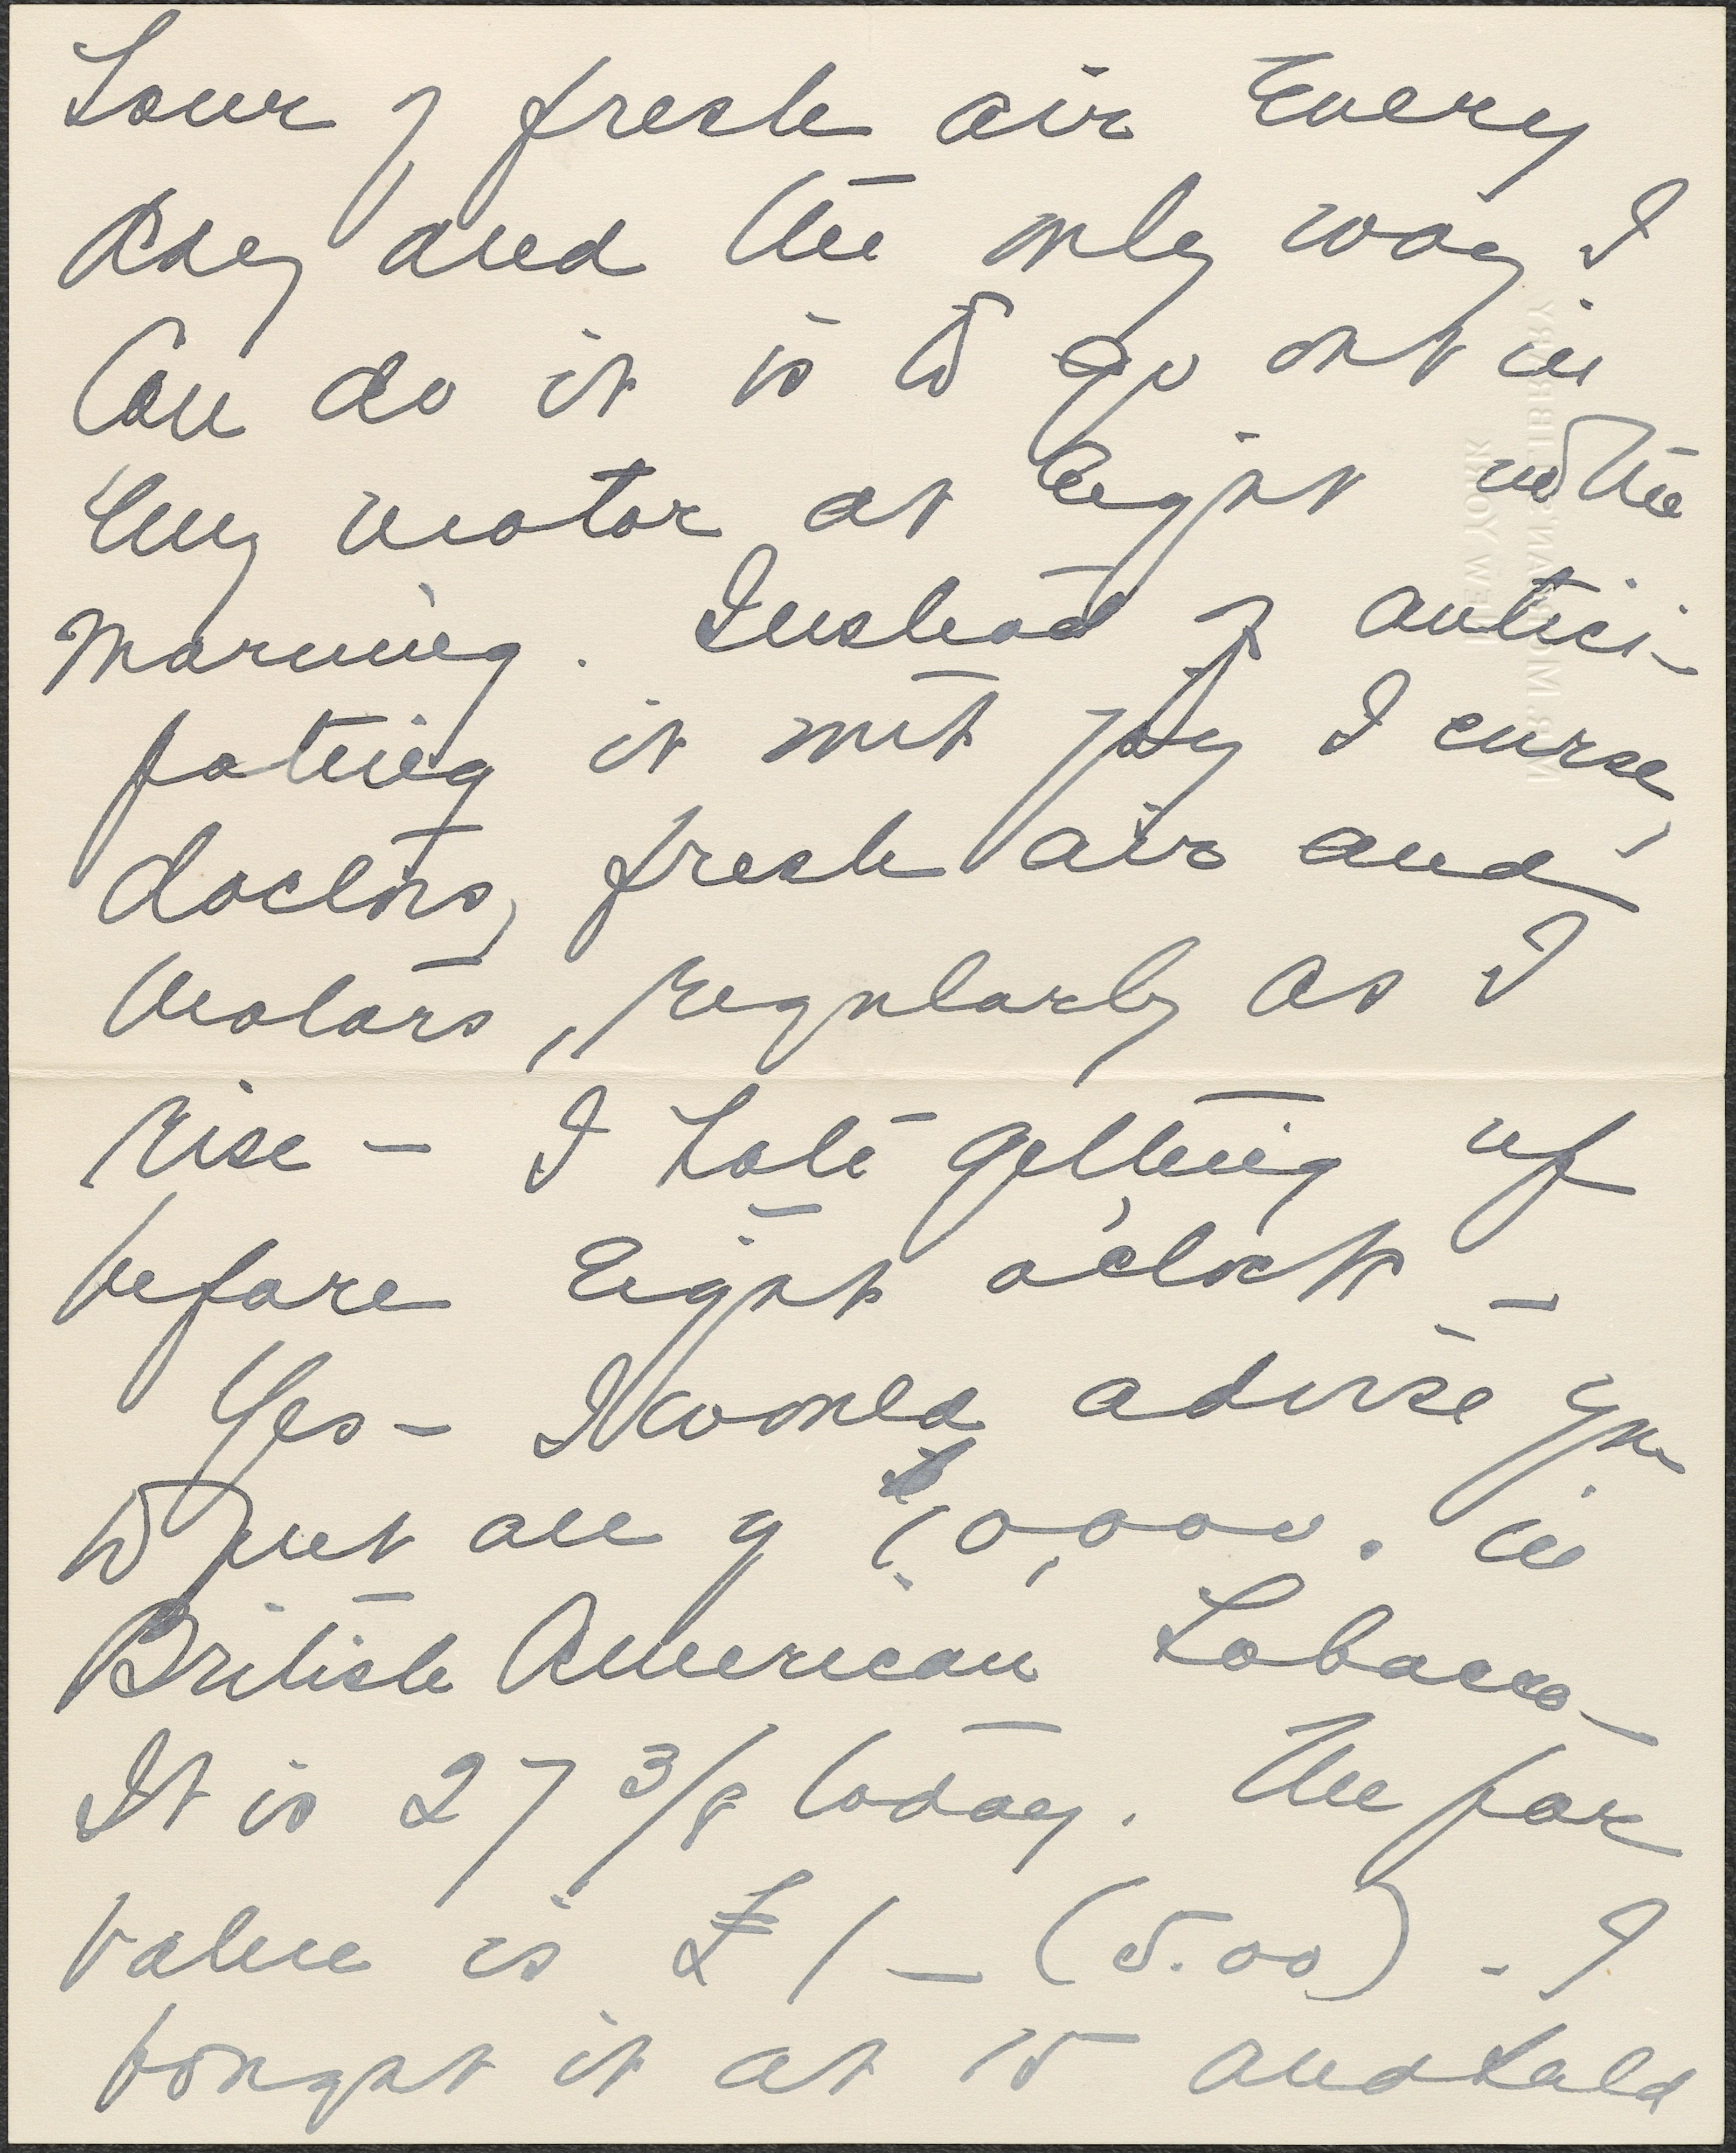hour of fresh air every day and the only way I can do it is to go out in my motor at eight in the morning. Instead of anticipating it with joy I curse, doctors, fresh air and motors, regularly as I rise – I hate getting up before eight o’clock –
Yes – I would advise you to put all of $10,000. in British American Tobacco – It is 27 ⅜ today. The par value is £1 – (5.00). I bought it at 15 and sold